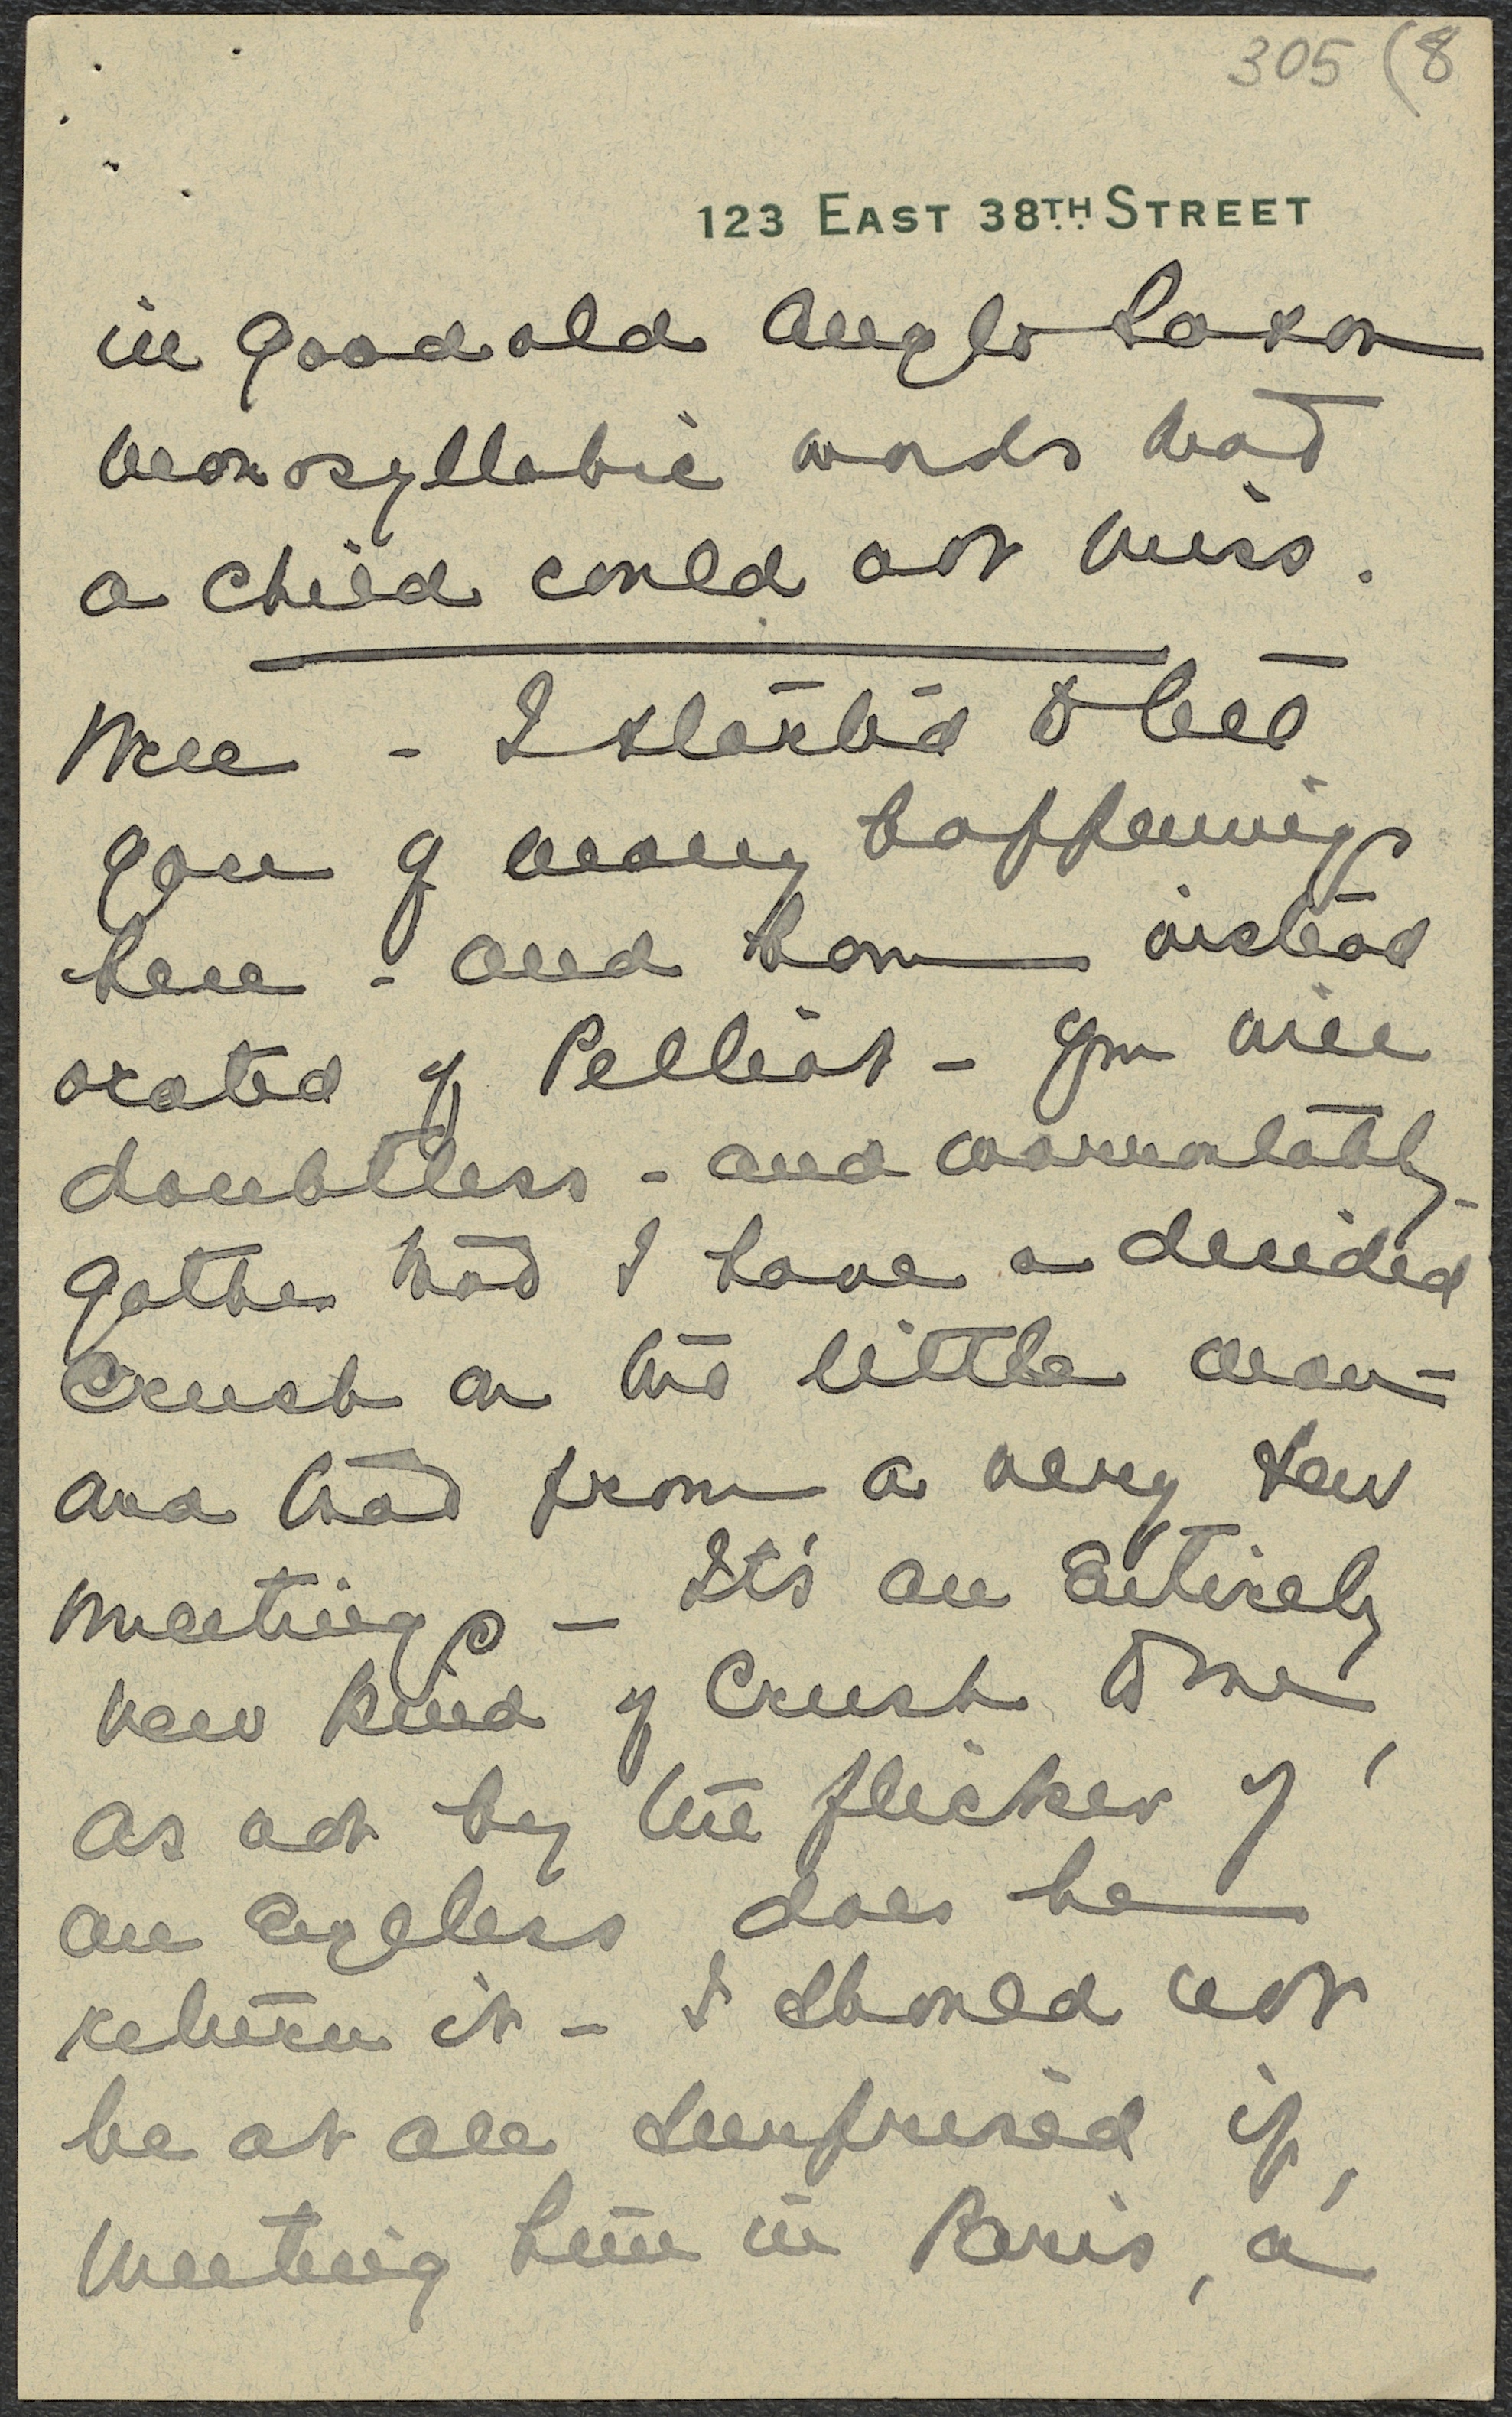in good old Anglo-Saxon monosyllabic words that a child could not miss.
Well – I started to tell you of many happenings here – and have instead orated of Pelliot – you will doubtless – and warrantably – gather that I have a decided crush on the little man – and that from a very few meetings – It’s an entirely new kind of Crush to me, as not by the flicker of an eyeless does he return it – I should not be at all surprised if, meeting him in Paris, a